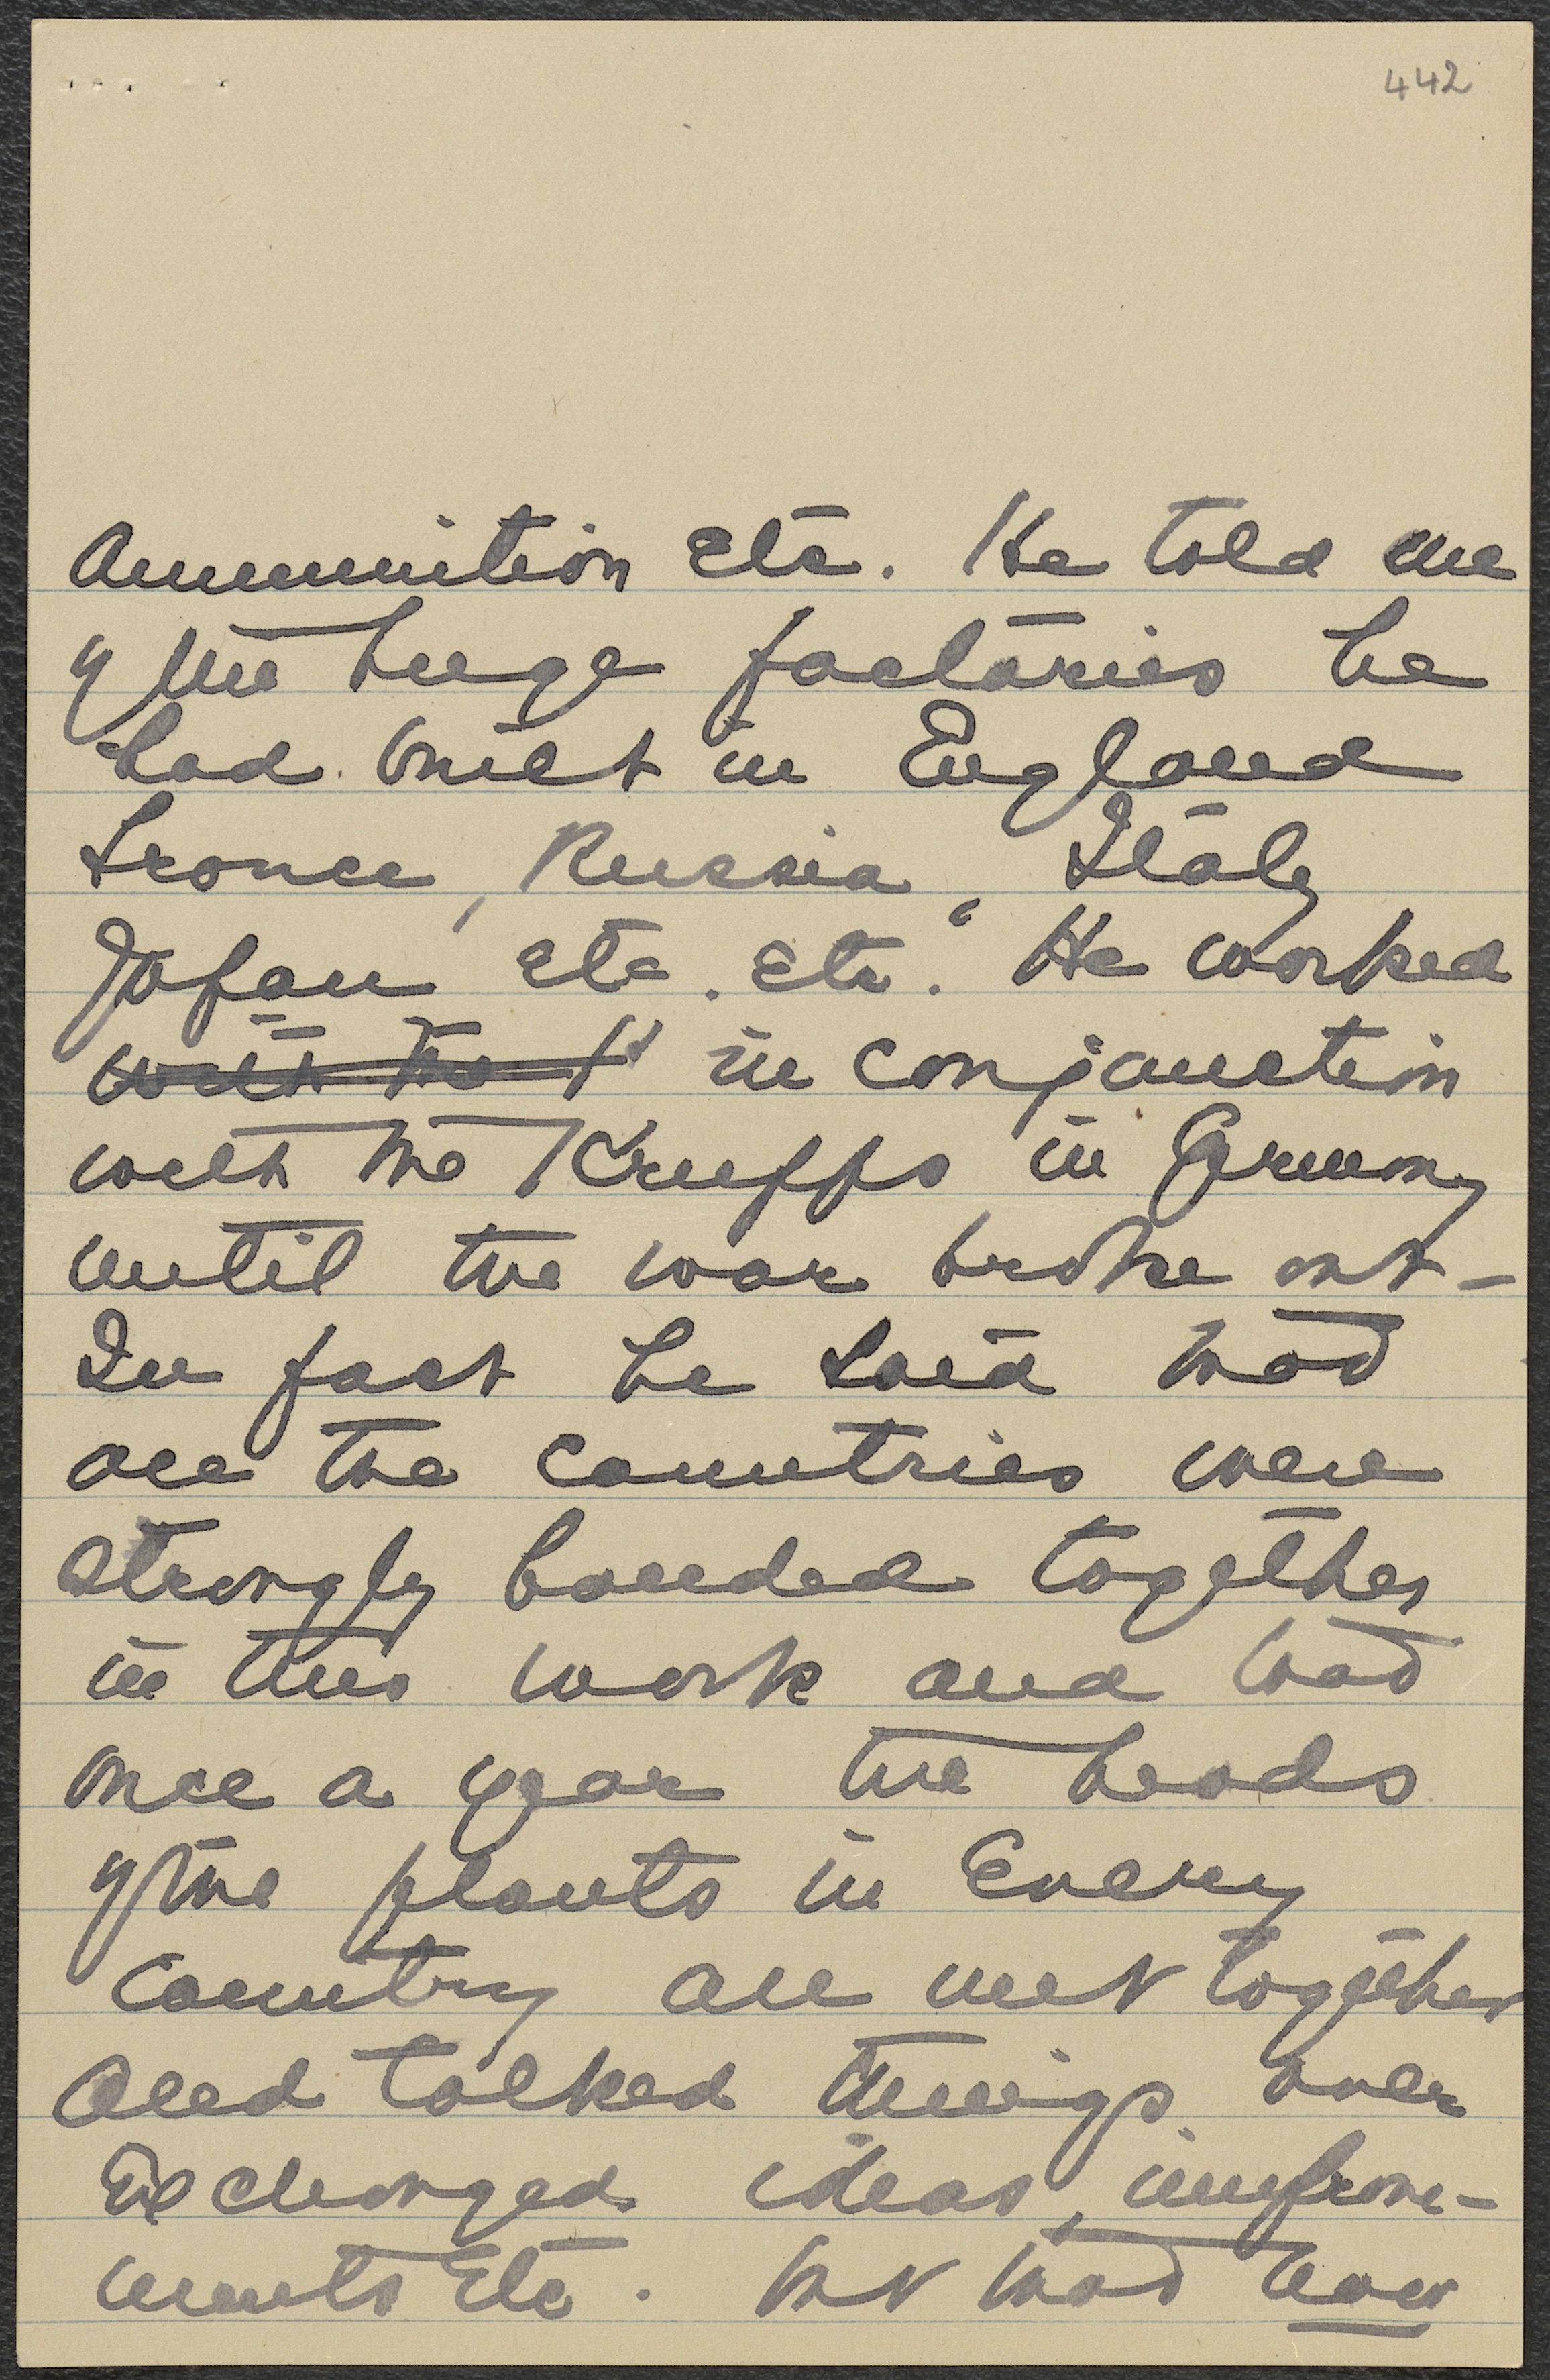ammunition etc. He told me of the huge factories he had built in England France, Russia, Italy Japan etc. etc. He worked with the in compensation with the Krupps in Germany until the war broke out – In fact he said that all the countries were strongly bounded together in this work and that once a year the heads of the plants in every country all met together and talked things over exchanged ideas, improvements etc. but that now